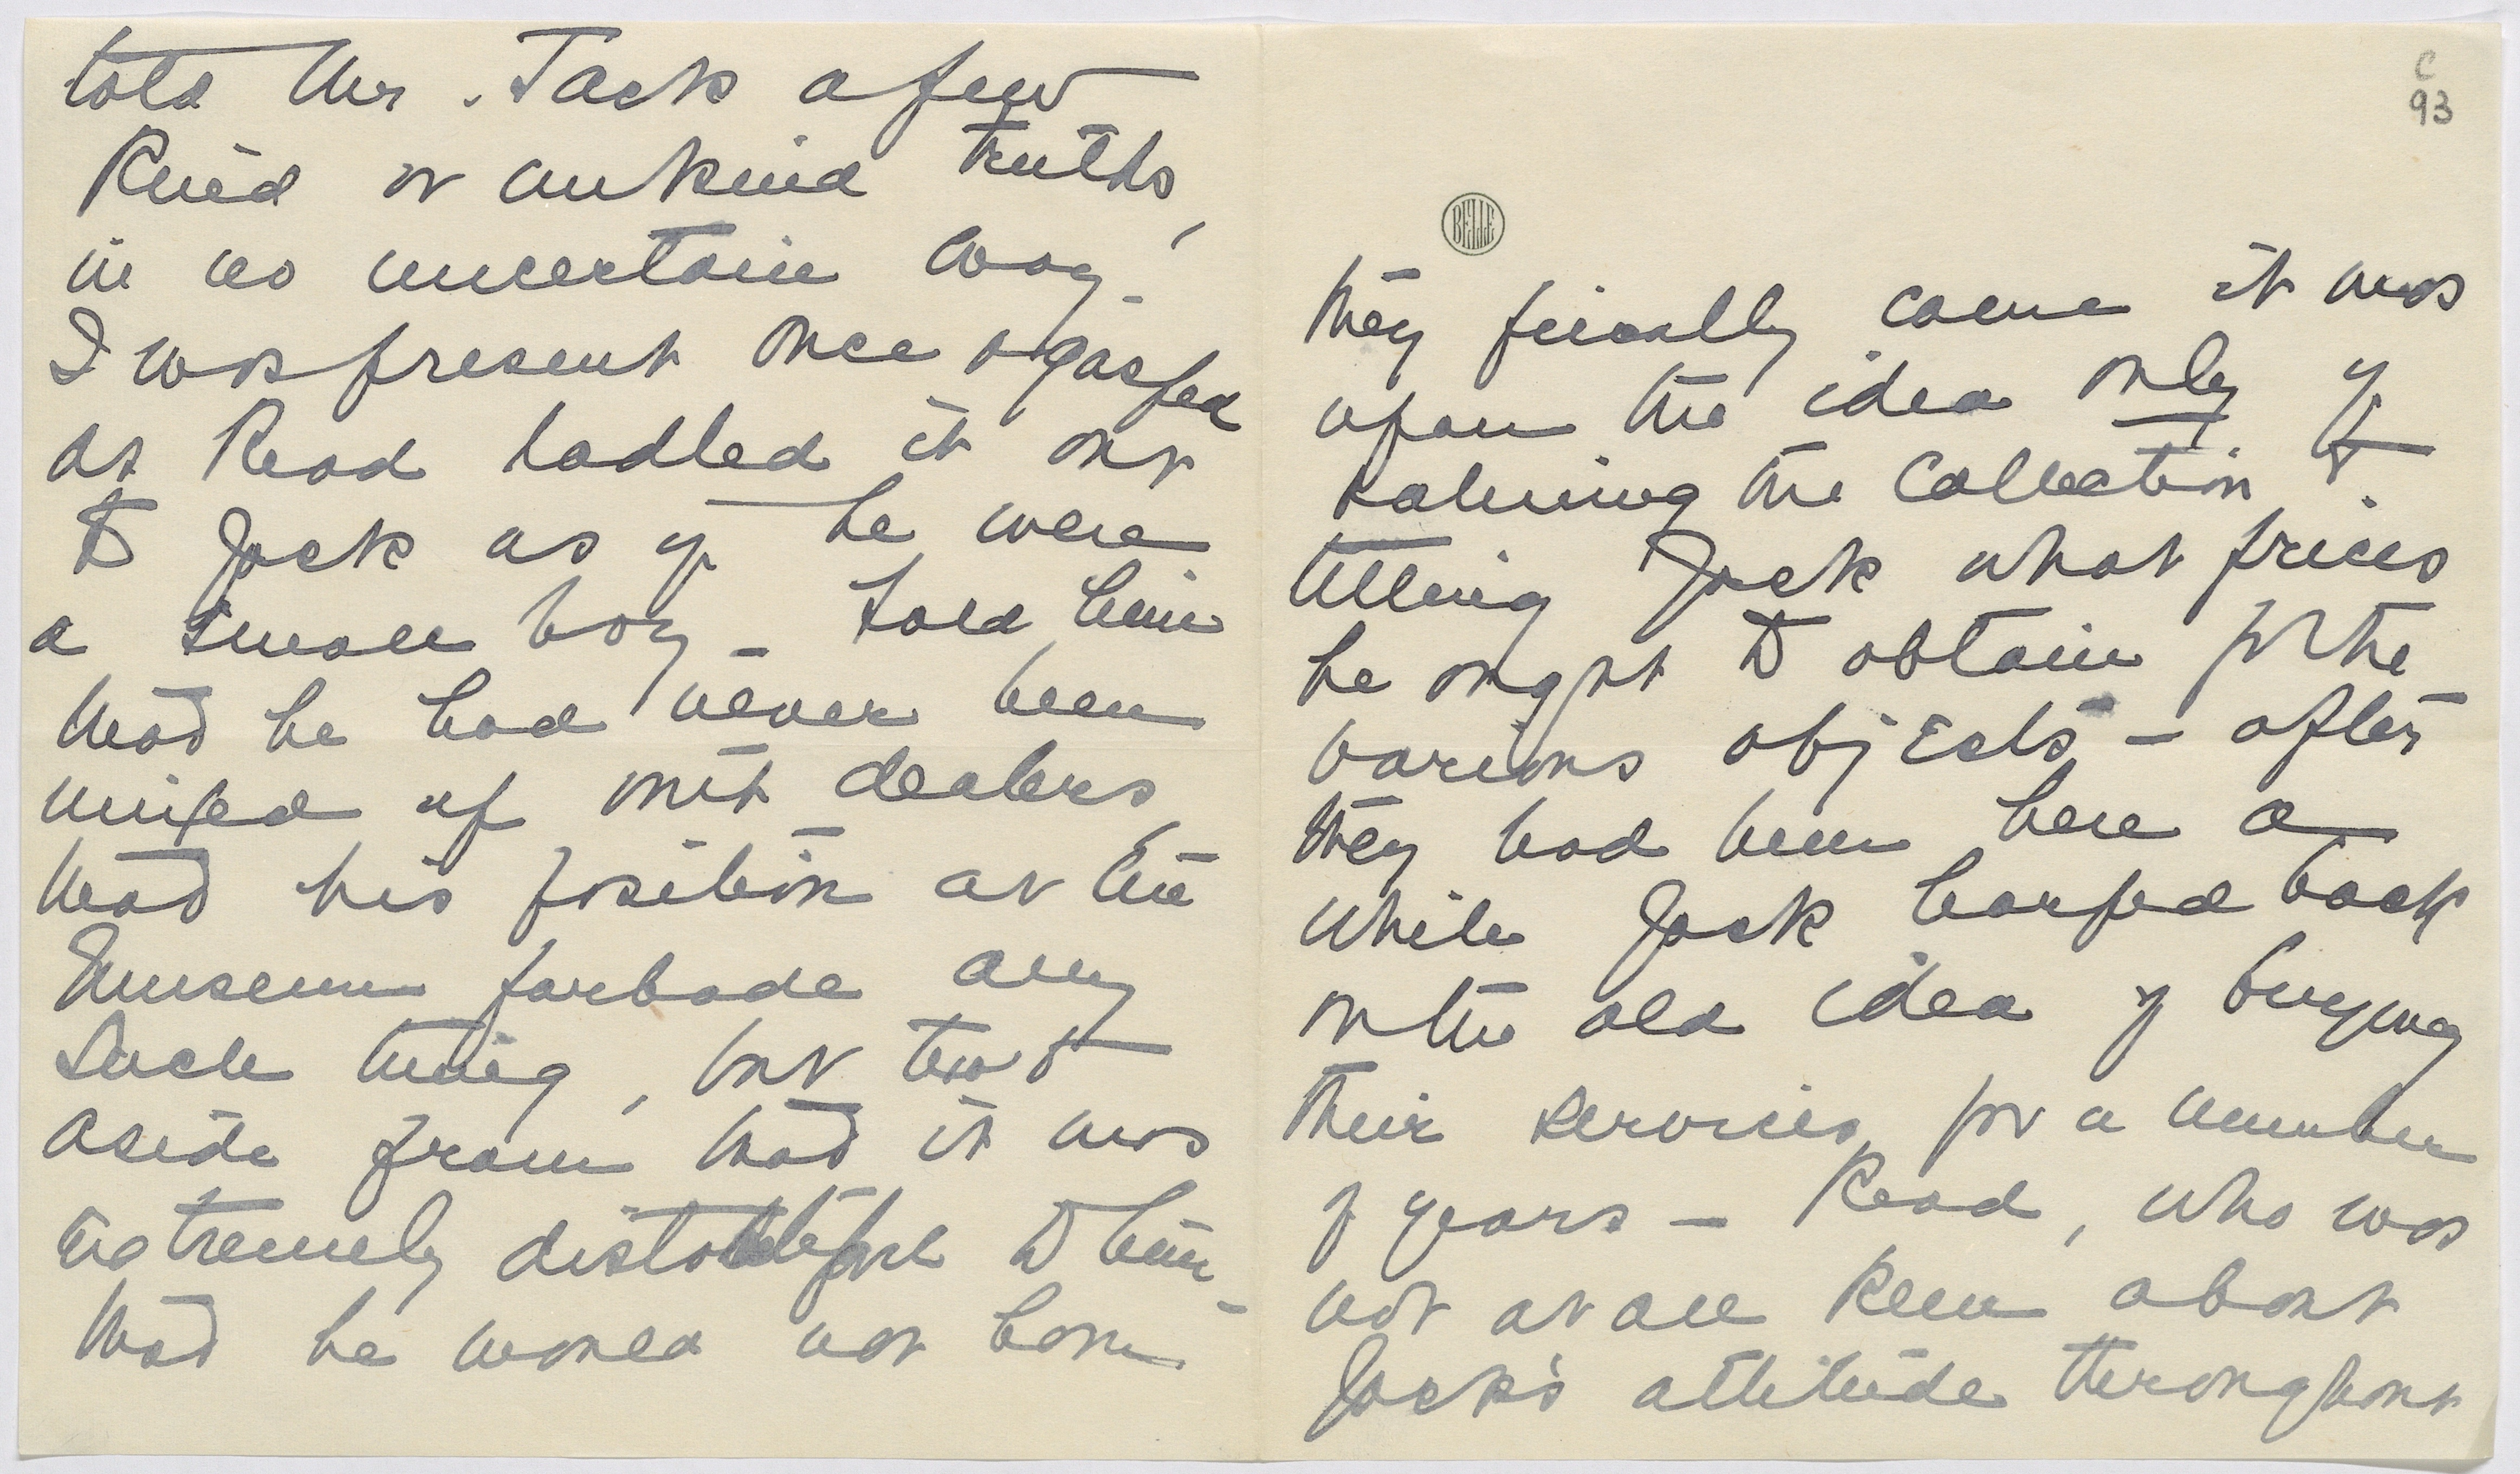they finally came it was upon the idea only of valuing the collection & telling Jack what prices he ought to obtain for the various objects – after they had been here a while Jack harped back on the old idea of buying their services for a number of years – Read, who was not at all keen about Jack’s attitude throughout
told Mr. Jack a few Kind or unkind truths, in no uncertain way – I was present once & gasped as Read ladled it out to Jack as if he were a small boy – Told him that he had never been mixed up with dealers, that his position at the Museum forbade any such thing, but [illegible] & aside from that it was extremely distasteful to him – that he would not have